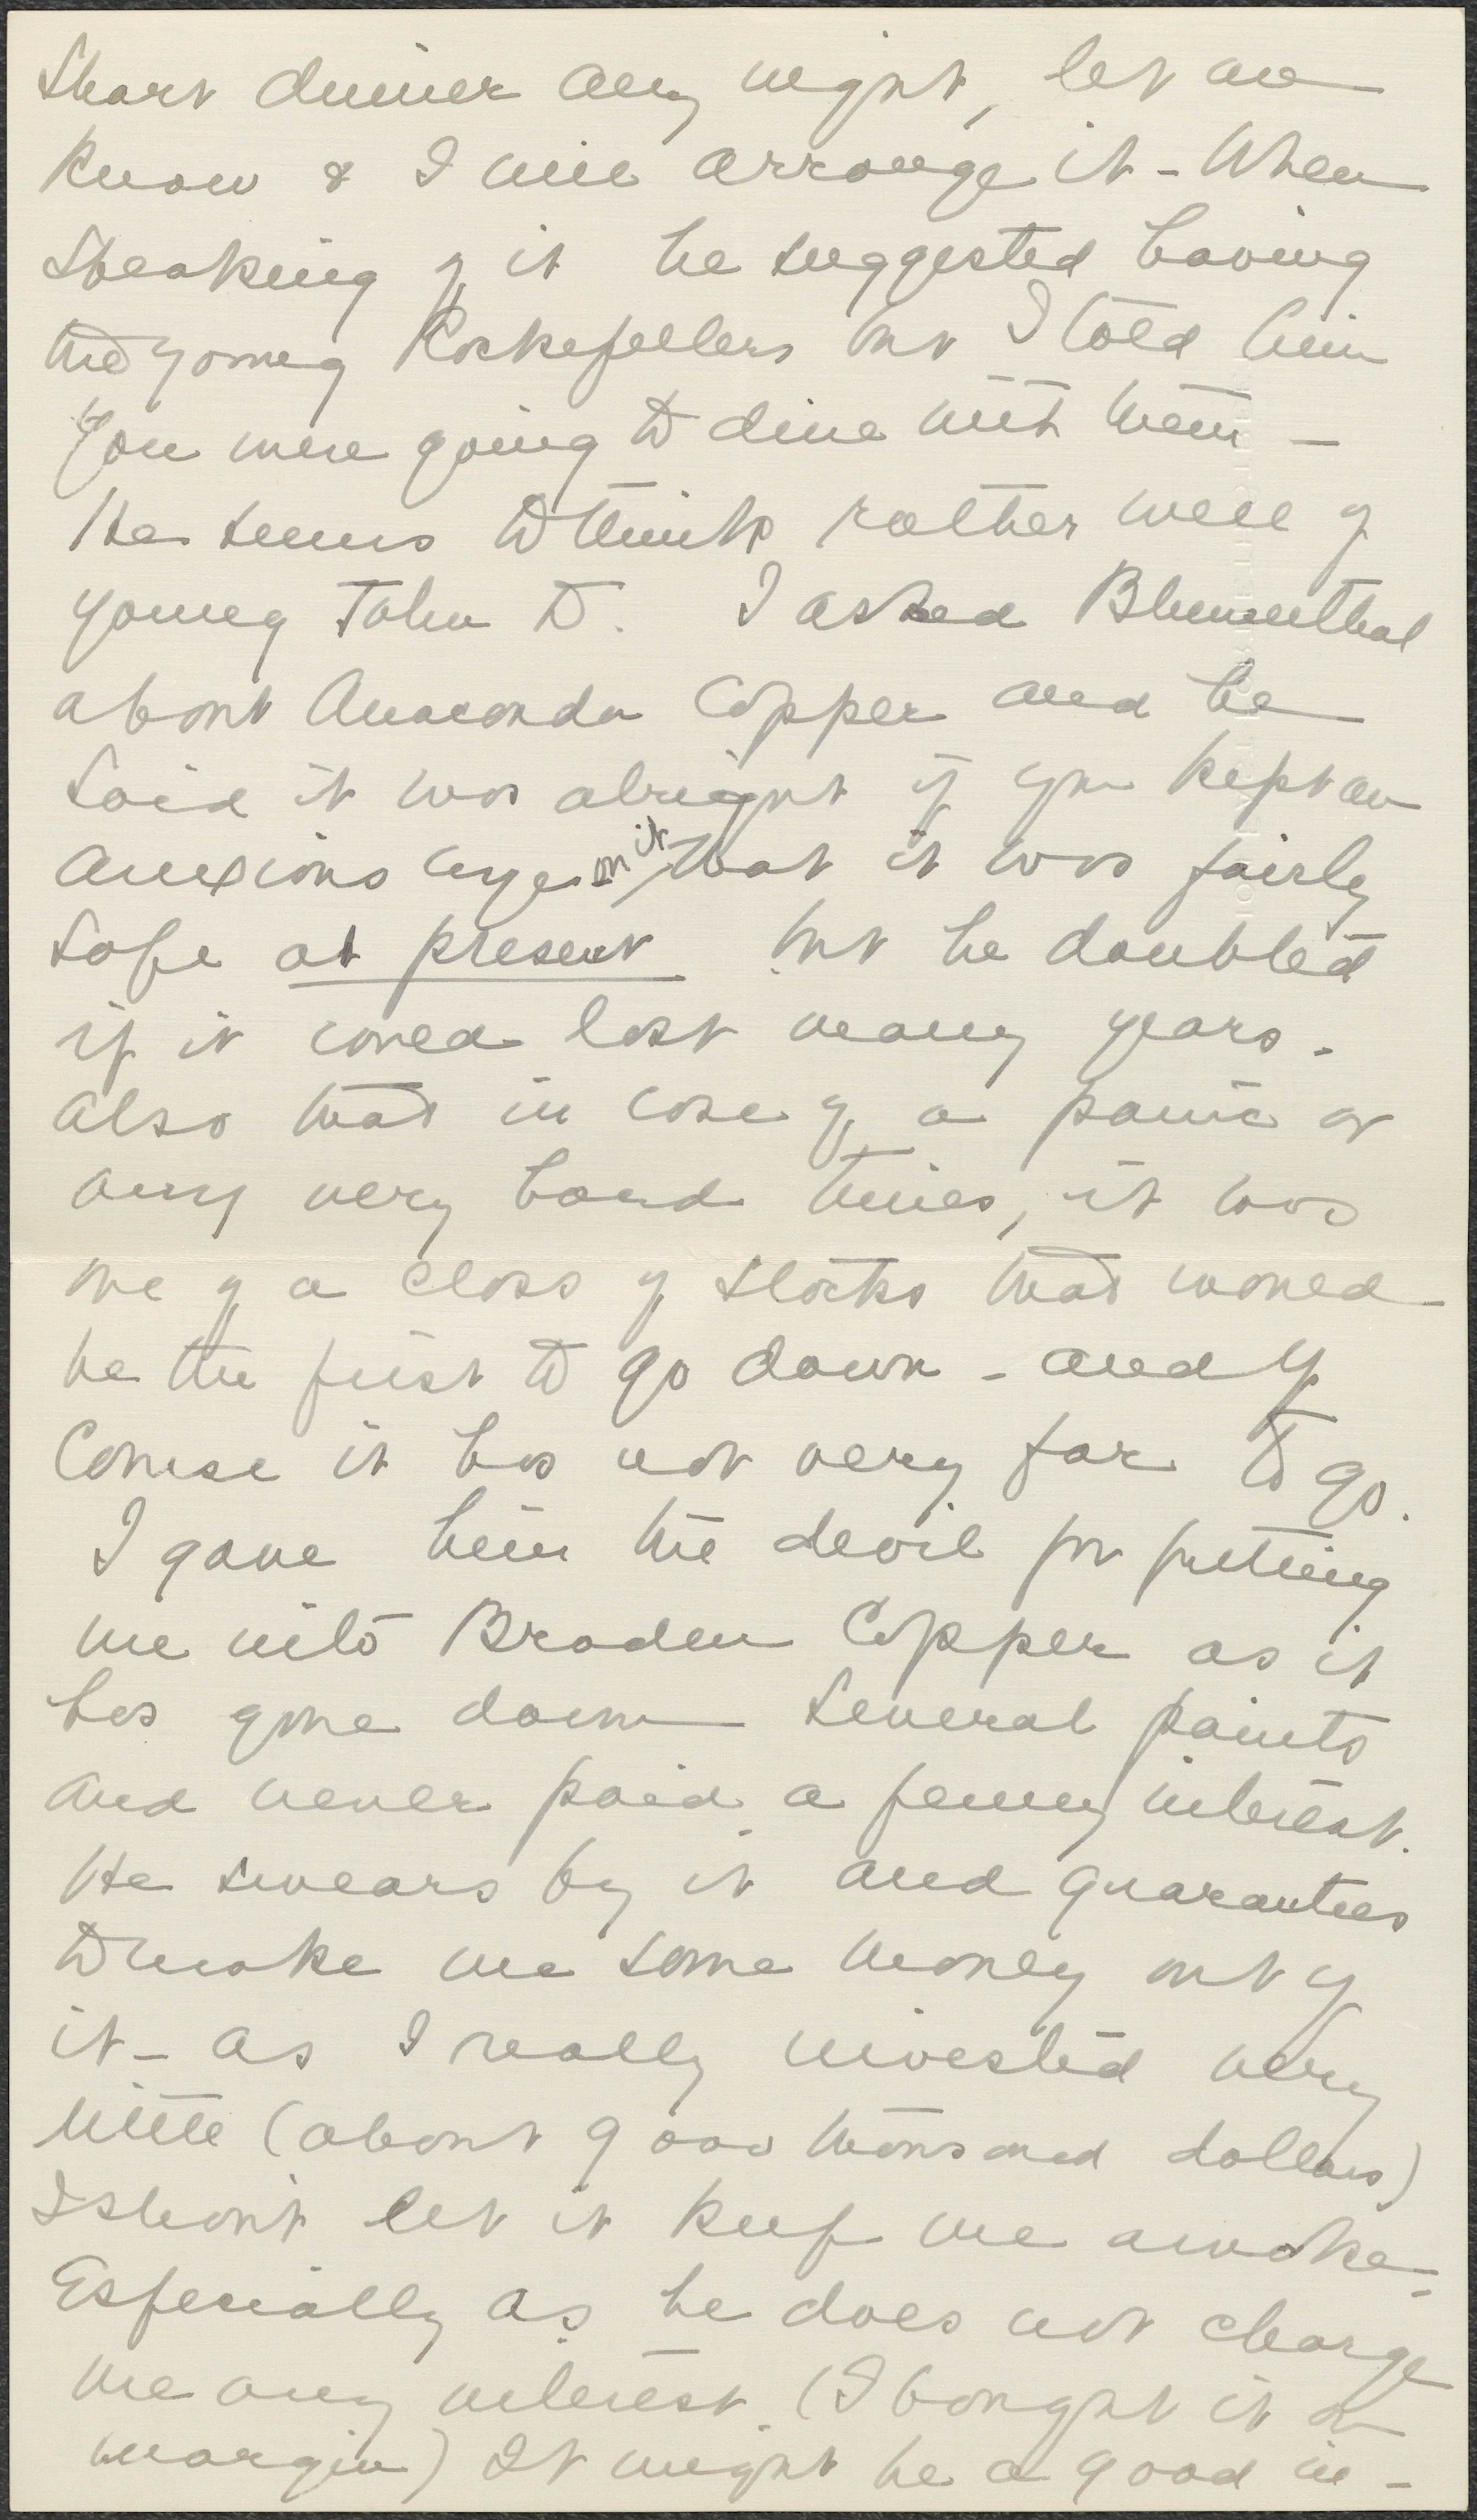short dinner any night, let me know & I will arrange it – When speaking of it he suggested having the young Rockefellers but I told him you were going to dine with them – He seems to think rather well of young John D. I asked Blumenthal about Anaconda Copper and he said it was alright if you kept an anxious eye [^ on it ^] that it was fairly safe at present but he doubted if it could last many years. Also that in case of a panic or any very hard times, it was one of a class of stocks that would be the first to go down – and of course it has not very far to go.
I gave him the devil for putting me into Broden Copper as it has gone down several points and never paid a penny interest. He swears by it and guarantees to make me some money out of it – as I really invested very little (about 9000 thousand dollars) I shan’t let it keep me awake, especially as he does not charge me any interest. (I bought it on margin) It might be a good in-